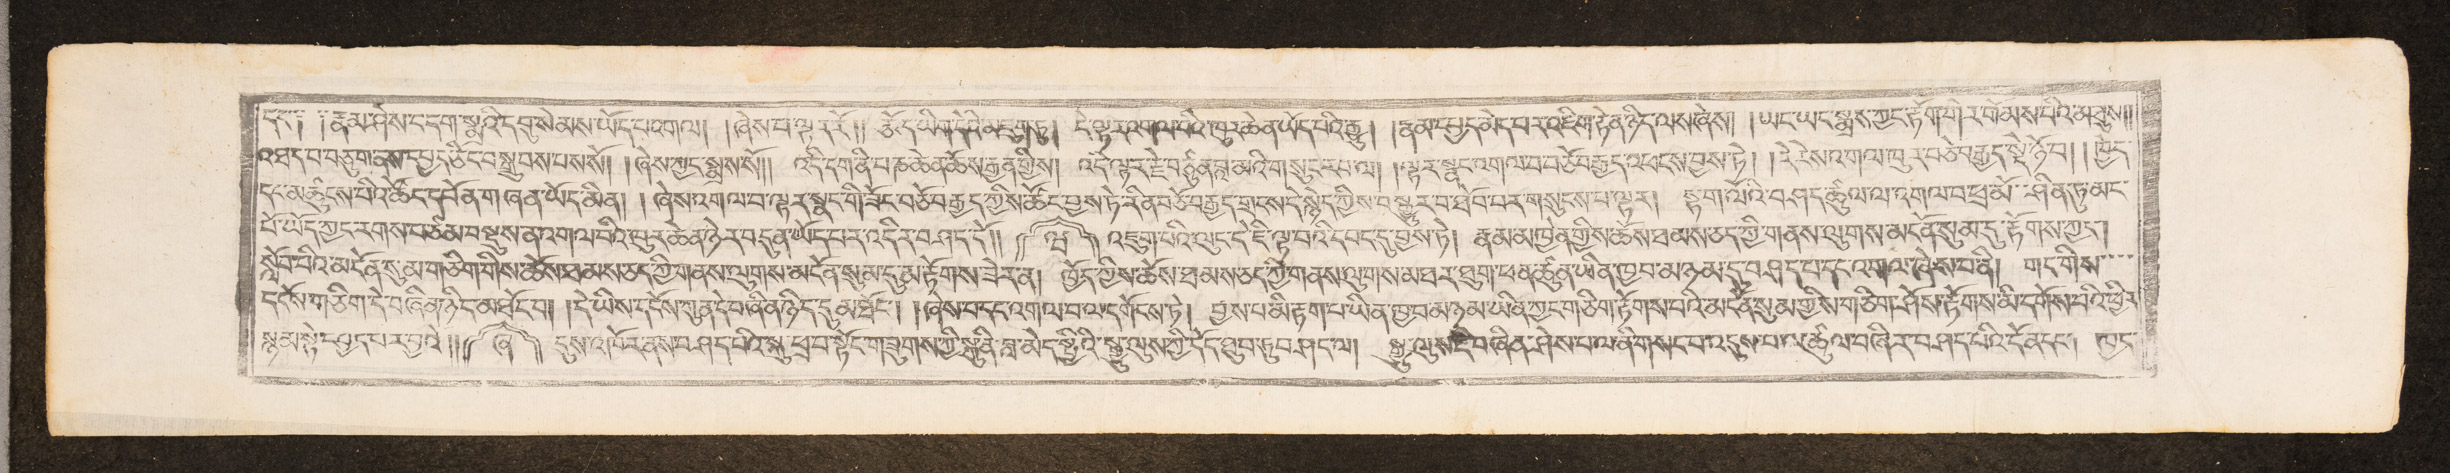དང༑ ༑རྣམ་ཤེས་བདག་སྨྲའི་དབུ་སེམས་ཡོད་པ་འགལ། །ཞེས་པ་ལྟར་རོ།། རྩོད་ཡིག་དེའི་མཇུག་ཏུ། དེ་ལྟར་འགལ་བའི་ཁུར་ཆེན་ཡོད་པའི་རྒྱུ། །རྣམ་དཔྱད་མེད་པར་འཇིག་རྟེན་ཉིད་ལས་ཞེས། །ཡང་ཡང་སྨྲས་ཀྱང་རྟོག་གེར་གོམས་པའི་མཐུས།།
འཐད་པ་བཅུ་གནས་དཔྱད་ཅིང་བསྒྲུབས་པས་སོ། །ཞེས་ཀྱང་སྨྲས་སོ།། འདི་དག་ནི་པཎ་ཆེན་ཆོས་རྒྱན་གྱིས། །འདི་ལྟར་རྗེ་བཙུན་བླ་མའི་གསུངས་རབ་ལ། །ལྟར་སྣང་འགལ་བ་བཅོ་བརྒྱད་འཕངས་བྱས་ཏེ། །རེ་རེས་འགལ་ཁུར་བཅོ་བརྒྱད་སྡེ་ཉོ་བ། །ཁྱེད་
དང་མཚུངས་པའི་ཚོང་དཔོན་གཞན་ཡོད་མིན། །ཞེས་འགལ་བ་ལྟར་སྣང་གི་ཟོང་བཅོ་བརྒྱད་ཀྱིས་ཚོང་བྱས་ཏེ་རིན་བཅོ་བརྒྱད་གྲངས་དེ་སྙེང་ཀྱིས་བསྒྱུར་བ་ཐོབ་པར་གསུངས་པ་ལྟར། །སྟག་ལོའི་བཤད་ཚུལ་ལ་འགལ་བ་ཕྲ་མོ་ཤིན་ཏུ་མང་
པོ་ཡོད་ཀྱང་རགས་བ་ཙམ་བསྡུས་ན་འགལ་བའི་ཁུར་ཆེན་ཉེར་བདུན་ཡོད་པར་འདིར་བཤད་དོ།། ༼༽ཝ༼༽ འཇུག་པའི་ལུང་དེ་ཇི་ལྟ་བའི་དབང་དུ་བྱས་ཏེ། རྣམ་མཁྱེན་གྱིས་ཆོས་ཐམས་ཅད་ཀྱི་གནས་ལུགས་མངོན་སུམ་དུ་རྟོགས་ཀྱང་།
སློབ་པའི་མངོན་སུམ་གཅིག་གིས་ཆོས་ཐམས་ཅད་ཀྱི་གནས་ལུགས་མངོན་སུམ་དུ་མ་རྟོགས་ཟེར་ན། ཁྱོད་ཀྱིས་ཆོས་ཐམས་ཅད་ཀྱི་གནས་ལུགས་མཐར་ཐུག་ཕན་ཚུན་ཡིན་ཁྱབ་མཉམ་དུ་བཤད་པ་དང་འགལ་ཞེས་པ་ནི། གང་གིས་
དངོས་གཅིག་དེ་བཞིན་ཉིད་མཐོང་བ། །དེ་ཡིས་དངོས་ཀུན་དེ་བཞིན་ཉིད་དུ་མཐོང་། །ཞེས་པ་དང་འགལ་བ་ལ་དགོངས་ཏེ། བྱས་པ་མི་རྟག་པ་ཡིན་ཁྱབ་མཉམ་ཡིན་ཀྱང་གཅིག་རྟོགས་པའི་མངོན་སུམ་གྱིས་གཅིག་ཤོས་རྟོགས་མི་དགོས་པའི་ཕྱིར་
སྙམ་སྟེང་དཔྱད་པར་བྱའོ།། ༼༽ཞ༼༽ དུས་འཁོར་ནས་བཤད་པའི་སྐུ་ཕྲ་བ་སྟོང་གཟུགས་ཀྱི་སྐུ་ནི་ཟླ་མེད་སྤྱིའི་སྒྱུ་ལུས་ཀྱི་དོད་ཐུབ་ཏུ་བཤད་ལ། སྒྱུ་ལུས་ཇི་བཞིན་ཤེས་པ་ལ་ནི་གསང་བ་འདུས་པ་ལ་ཚུལ་བཞིར་བཤད་པའི་དོན་དང་། ཁྱད་